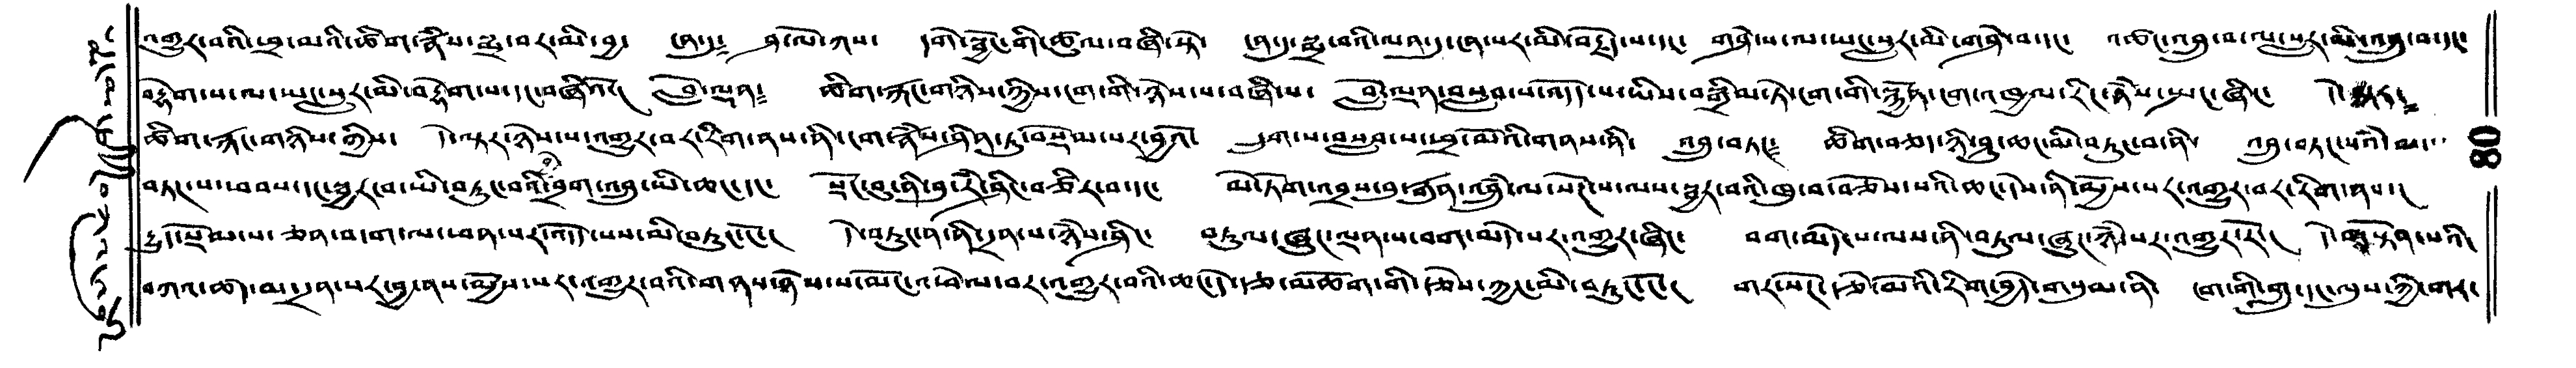འགྱུར་བའི་ཕྲ་མའི་ཚིག་རྣམས་སྨྲ་བར་མི་བྱ། ངན་དུ༴ ཤོ་ལོ་ཀས་དགེ་སྦྱོང་གི་ཚུལ་བཞི་སྟེ། ངན་དུ་སྨྲ་བའི་ལན་དུ་ངན་པར་མི་བརྗོད་པ་དང་། གཤེ་པ་ལ་ཡང་སླར་མི་གཤེ་བ་དང་། འཚང་འབྲུ་བ་ལ་སླར་མི་འབྲུ་བ་དང་། 
བརྡེག་པ་ལ་ཡང་སླར་མི་བརྡེག་པ་དང་བཞིའོ། བློ་ལྡན༴ ཚིག་རྐང་གཉིས་ཀྱིས་ངག་གི་ཉེས་པ་བཞི་པ། བློ་ལྡན་བསླབ་པ་འདོད་པ་ཡིས་བསྒྲིམ་ཏེ་ངག་གི་སྐྱོན་ངག་འཁྱལ་རིགས་རྣམས་སྤང་ཞིང་། དེ་ལྟར༴ 
ཚིག་རྐང་གཉིས་གྱིས། དེ་ལྟར་ཉེས་པར་འགྱུར་བར་རིག་ནས་ནི་ངག་རྣམས་ཤིན་ཏུ་བསྡམ་པར་བྱའོ། དྲུག་པ་བསླབ་པ་ཕྲ་མོའི་གནས་ནི། འབྲུ་བཏགས༴ཚིགས་བཅད་ཤི་ཤུས་ཆང་མི་བཏུང་བར་བསྟན་པ་ནི། འབྲུ་བཏགས་པའམ་མ་
བཏགས་པ་ཕབས་དང་སྦྱར་བ་ཡི་བཏུང་བའི་བྱེ་བྲག་འབྲུ་ཡི་ཆང་དང་། སྡོང་བུ་ནི་བུ་རམ་ཤིང་བཙིར་བ་དང་། མེ་ཏོག་འབྲས་བུ་རྒུན་འབྲུམ་ལ་སོགས་པ་ལས་སྦྱར་བའི་ཁུ་བ་སྟེ་བཅོས་པའི་ཆང་དེས་ནི་མྱོས་པར་འགྱུར་བར་རིག་ནས། 
རྒྱུད་སྡོམ་པ་ཅན་བདག་ལ་ཕན་པར་འདོད་པས་མི་བཏུང་ངོ་། དེ་བཏུང་ན་ནི་དྲན་པ་ཉམས་ནས་བརྟུལ་ཞུགས་ལྡན་པ་བག་མེད་པར་འགྱུར་ཞིང་། བག་མེད་པ་ལས་ནི་བཏུལ་ཞུགས་ཉམས་པར་འགྱུར་རོ། དེས་ན་བསྟོན་པའི་
བཀའ་ཚད་མ་དྲན་པར་བྱས་ནས་མྱོས་པར་འགྱུར་བའི་གནས་ཉེས་པ་མང་པོ་འཕེལ་བར་འགྱུར་བའི་ཆང་དེ་རྩ་མཆོག་གི་རྩེས་ཀྱངམི་བཏུང་ངོ་། གར་སོགས་རྩེད་མོའི་རིག་བྱེད་གསུམ་ནི། ངག་གི་གླུ་དང་ལུས་ཀྱི་གར།